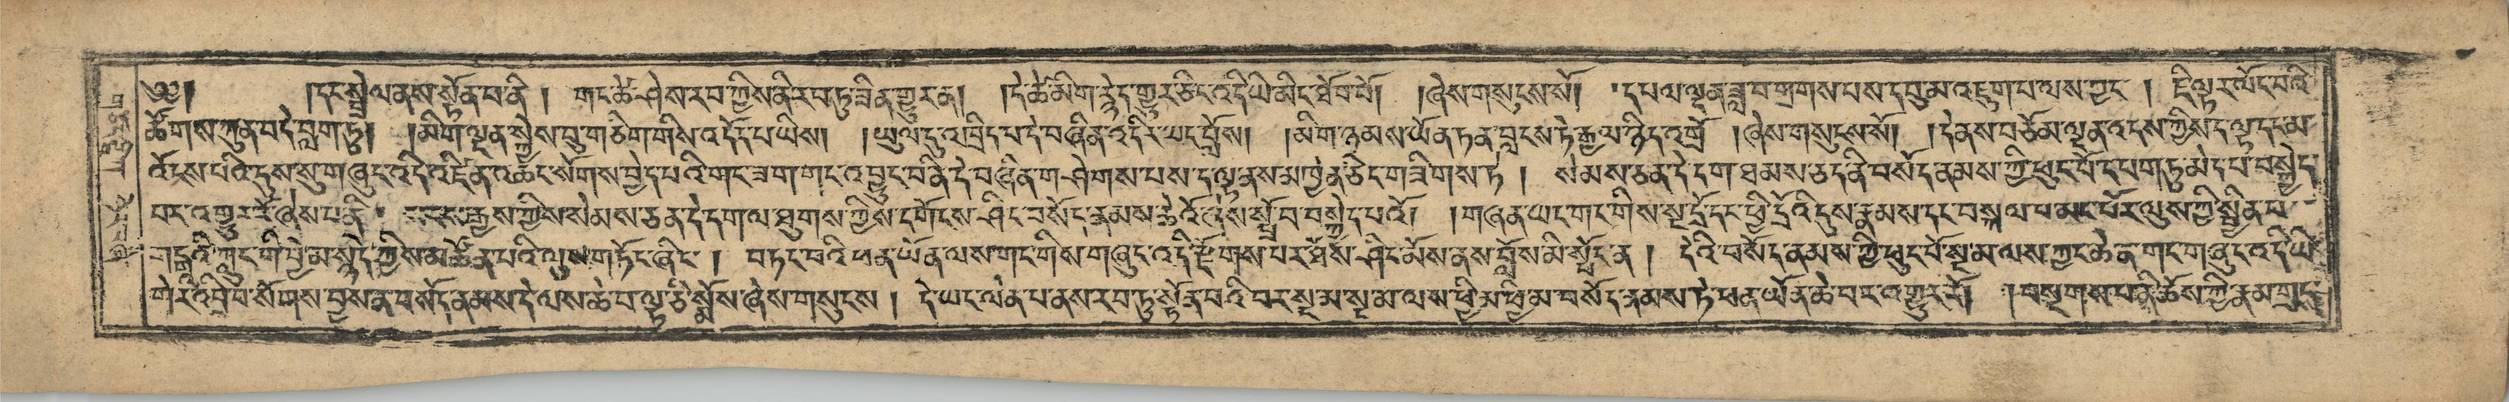༄༅། །དང་སྦྲེལ་ནས་སྟོན་པ་ནི། གང་ཚེ་ཤེས་རབ་ཀྱིས་ནི་རབ་ཏུ་ཟིན་གྱུར་ན། །དེ་ཚེ་མིག་རྙེད་གྱུར་ཅིང་འདི་ཡི་མིང་ཐོབ་བོ། །ཞེས་གསུངས་སོ། །དཔལ་ལྡན་ཟླ་བ་གྲགས་པས་དབུ་མ་འཇུག་པ་ལས་ཀྱང་། ཇི་ལྟར་ལོང་བའི་
ཚོགས་ཀུན་བདེ་བླག་ཏུ། །མིག་ལྡན་སྐྱེས་བུ་གཅིག་གིས་འདོད་པ་ཡིས། །ཡུལ་དུ་འཁྲིད་པ་དེ་བཞིན་འདིར་ཡང་བློས། །མིག་ཉམས་ཡོན་ཏན་བླངས་ཏེ་རྒྱལ་ཉིད་འགྲོ་།ཞེས་གསུངས་སོ། །དེ་ནས་བཅོམ་ལྡན་འདས་ཀྱིས་ད་ལྟ་དང་མ་
འོངས་པའི་དུས་སུ་གཞུང་འདི་འཛིན་འཆང་སོགས་བྱེད་པའི་གང་ཟག་གང་འབྱུང་བ་ནི་དེ་བཞིན་གཤེགས་པས་ད་ལྟ་ནས་མཁྱེན་ཅིང་གཟིགས་ཏེ། སེམས་ཅན་དེ་དག་ཐམས་ཅད་ནི་བསོད་ནམས་ཀྱི་ཕུང་པོ་དཔག་ཏུ་མེད་པ་བསྐྱེད་
པར་འགྱུར་རོ་ཞེས་པ་ནི། སངས་རྒྱས་ཀྱིས་སེམས་ཅན་དེ་དག་ལ་ཐུགས་ཀྱིས་དགོངས་ཤིང་བསོད་ནམས་ཆེའོ་ཞེས་སྤྲོ་བ་བསྐྱེད་པའོ། །གཞན་ཡང་གང་གིས་སྔ་དྲོ་དང་ཕྱི་དྲོའི་དུས་རྣམས་དང་བསྐལ་པ་མང་པོར་ལུས་ཀྱི་སྦྱིན་པ་
གངྒཱའི་ཀླུང་གི་བྱེ་མ་སྙེད་ཀྱིས་མཚན་པའི་ལུས་གཏོང་ཞིང་། བཏང་བའི་ཕན་ཡོན་ལས་གང་གིས་གཞུང་འདི་རྫོགས་པར་ཐོས་ཤིང་མོས་ནས་བློས་མི་སྤོང་ན། དེའི་བསོད་ནམས་ཀྱི་ཕུང་པོ་སྔ་མ་ལས་ཀྱང་ཆེ་ན་གང་གཞུང་འདི་ཡི་
གེར་འབྲི་བ་སོགས་བྱས་ན་བསོད་ནམས་དེ་ལས་ཆེ་བ་ལྟ་ཅི་སྨོས་ཞེས་གསུངས། དེ་ཡང་ལེན་པ་ནས་རབ་ཏུ་སྟོན་པའི་བར་སྔ་མ་སྔ་མ་ལས་ཕྱི་མ་ཕྱི་མ་བསོད་ནམས་ཏེ་ཕན་ཡོན་ཆེ་བར་འགྱུར་རོ། །བསྔགས་པ་ནི་ཆོས་ཀྱི་རྣམ་གྲངས་